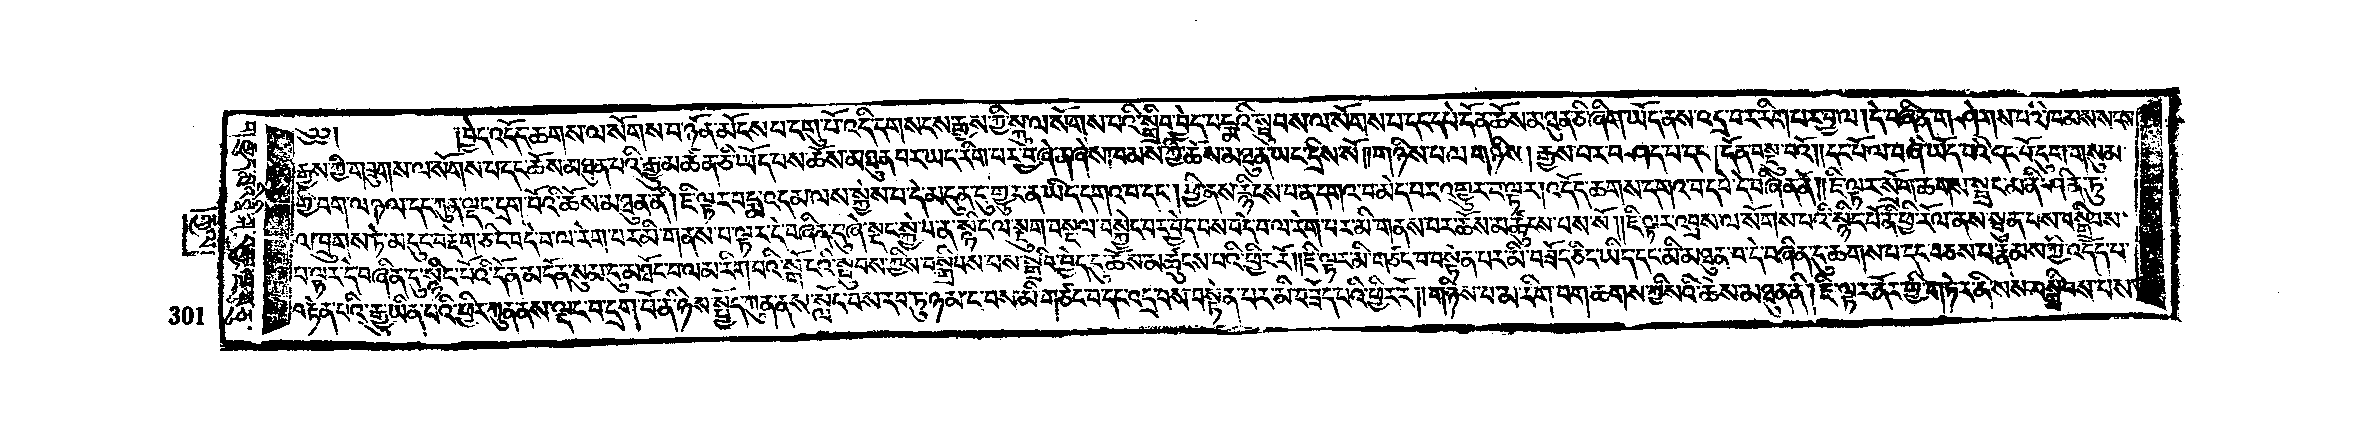༄༅། །བྱེད་འདོད་ཆགས་ལ་སོགས་པ་ཉོན་མོངས་པ་དགུ་པོ་འདི་དག་སངས་རྒྱས་ཀྱི་སྐུ་ལ་སོགས་པའི་སྒྲིབ་བྱེད་པདདམའི་སྦུབ་ལ་སོགས་པ་དང་དཔེ་དོན་ཆོས་མཐུན་ཅི་ཞིག་ཡོད་ནས་འདྲ་བར་རིག་པར་བྱ་ལ། དེ་བཞིན་གཤེགས་པའི་ཁམས་སངས་
རྒྱས་ཀྱི་གཟུགས་ལ་སོགས་པ་དང་ཆོས་མཐུན་པའི་རྒྱུ་མཚན་ཅི་ཡོད་པས་ཆོས་མཐུན་པར་ཡང་རིག་པར་བྱ་ཞེ་ན་ཞེས་ཁམས་ཀྱི་ཆོས་མཐུན་ཡང་དྲིས་སོ། །གཉིས་པ་ལ་གཉིས། རྒྱས་པར་བཤད་པ་དང་། དོན་བསྡུ་བའོ། །དང་པོ་ལ་བཞི་ཡོད་པའི་དང་པོ་དུག་གསུམ་
གྱི་བག་ལ་ཉལ་དང་ཀུན་ལྡང་དྲག་པོའི་ཆོས་མཐུན་ནི། ཇི་ལྟར་པདམ་འདམ་ལས་སྐྱེས་པ་དེ་མདུན་དུ་གྱུར་ན་ཡིད་དགའ་བ་དང་། ཕྱི་ནས་རྙིངས་པ་ན་དགའ་བ་མེད་པར་འགྱུར་བ་ལྟར། འདོད་ཆགས་དགའ་བ་དཔེ་དེ་བཞིན་ནོ། །ཇི་ལྟར་སྲོག་ཆགས་སྦྲང་མ་ནི་ཤིན་ཏུ་
འཁྲུགས་ཏེ་མདུང་བརྡེག་ཅིང་བདེ་བ་ལ་རེག་པར་མི་གནས་པ་ལྟར་དེ་བཞིན་དུ་ཞེ་སྡང་སྐྱེ་བ་ན་སྙིང་ལ་སྡུག་བསྔལ་བསྐྱེད་པར་བྱེད་པས་བདེ་བ་ལ་རེག་པར་མི་གནས་པར་ཆོས་མཚུངས་པས་སོ། །ཇི་ལྟར་འབྲས་ལ་སོགས་པའི་སྙིང་པོ་ནི་ཕྱི་རོལ་ནས་སྦུན་པས་བསྒྲིབས་
པ་ལྟར་དེ་བཞིན་དུ་སྙིང་པོའི་དོན་མངོན་སུམ་དུ་མཐོང་བ་ལམ་རིག་པའི་སྒོ་ངའི་སྦུབས་ཀྱིས་བསྒྲིབས་པས་སྒྲིབ་བྱེད་དུ་ཆོས་མཚུངས་པའི་ཕྱིར་རོ། །ཇི་ལྟར་མི་གཙང་བ་བསྟེན་པར་མི་བཟོད་ཅིང་ཡིད་དང་མི་མཐུན་པ་དེ་བཞིན་དུ་ཆགས་པ་དང་བཅས་པ་རྣམས་ཀྱི་འདོད་པ་
བརྟེན་པའི་རྒྱུ་ཡིན་པའི་ཕྱིར་ཀུན་ནས་ལྡང་བ་དྲག་པོ་ནི་ཉེས་སྤྱོད་ཀུན་ནས་སློང་བས་རབ་ཏུ་ཉམ་ང་བས་མི་གཙང་བ་དང་འདྲ་བས་བསྟེན་པར་མི་བཟོད་པའི་ཕྱིར་རོ། །གཉིས་པ་མ་རིག་བག་ཆགས་ཀྱི་སའི་ཆོས་མཐུན་ནི། ཇི་ལྟར་ནོར་གྱི་གཏེར་ནི་སས་བསྒྲིབས་པས་